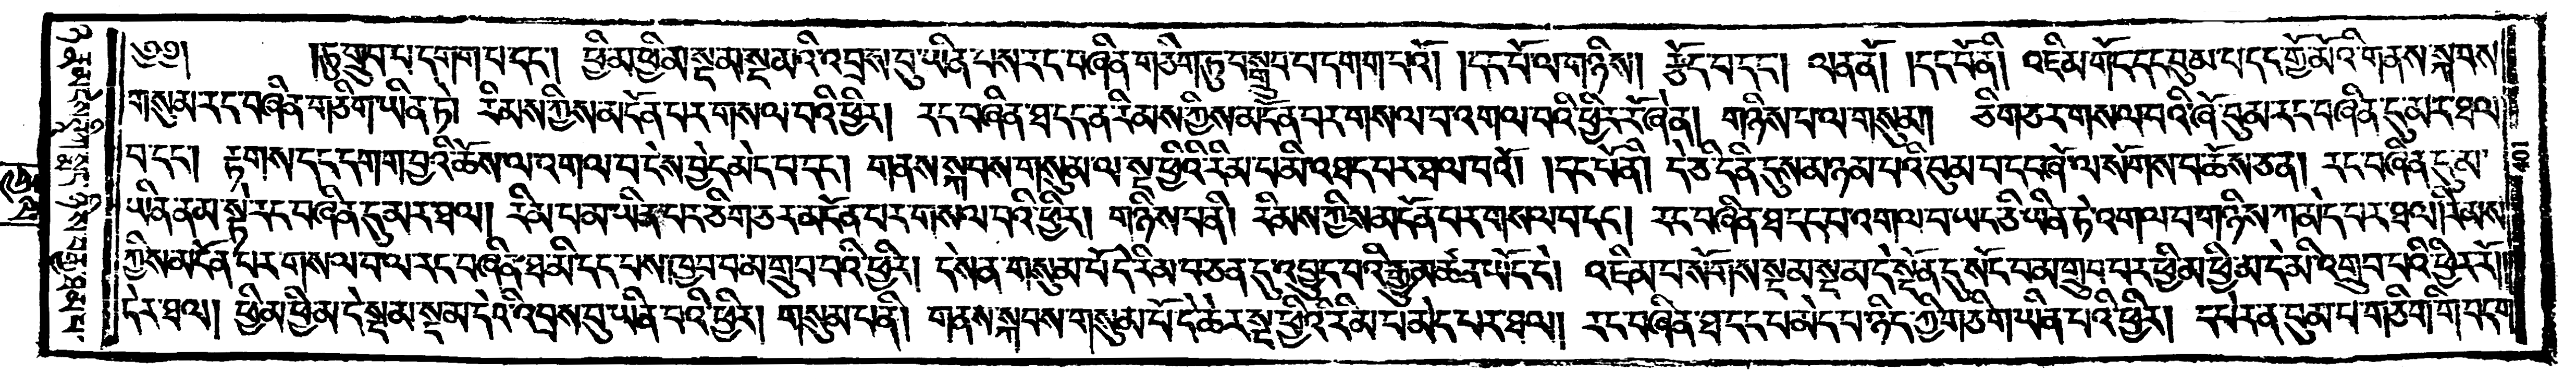༄༅། །ཏུ་གྲུབ་པ་དགག་པ་དང་། ཕྱི་མ་ཕྱི་མ་སྔ་མ་སྔ་མའི་འབྲས་བུ་ཡིན་པས་རང་བཞིན་གཅིག་ཏུ་བསྒྲུབ་པ་དགག་པའོ། །དང་པོ་ལ་གཉིས། རྩོད་པ་དང་། ལན་ནོ། །དང་པོ་ནི། འཇིམ་གོང་དང་བུམ་པ་དང་གྱོ་མོའི་གནས་སྐབས་
གསུམ་རང་བཞིན་གཅིག་ཡིན་ཏེ། རིམས་ཀྱིས་མངོན་པར་གསལ་བའི་ཕྱིར། རང་བཞིན་ཐ་དད་ན་རིམས་ཀྱིས་མངོན་པར་གསལ་བ་འགལ་བའི་ཕྱིར་རོ་ཞེ་ན། གཉིས་པ་ལ་གསུམ། ཅིག་ཅར་གསལ་བའི་ཞོ་བུམ་རང་བཞིན་དུ་མར་ཐལ་
བ་དང་། རྟགས་དང་དགག་བྱའི་ཆོས་ལ་འགལ་བ་ངེས་བྱེད་མེད་པ་དང་། གནས་སྐབས་གསུམ་ལ་སྔ་ཕྱིའི་རིམ་པ་མི་འཐད་པར་ཐལ་བའོ། །དང་པོ་ནི། དེ་ཅི་ད་ནི་དུས་མཉམ་པའི་བུམ་པ་དང་ཞོ་ལ་སོགས་པ་ཆོས་ཅན། རང་བཞིན་དུ་མ་
ཡིན་ནམ་སྟེ་རང་བཞིན་དུ་མར་ཐལ། རིམ་པ་མ་ཡིན་པར་ཅིག་ཅར་མངོན་པར་གསལ་བའི་ཕྱིར། གཉིས་པ་ནི། རིམས་ཀྱིས་མངོན་པར་གསལ་བ་དང་། རང་བཞིན་ཐ་དད་པ་འགལ་བ་ཡང་ཅི་ཡིན་ཏེ་འགལ་བ་གཉིས་ཀ་མེད་པར་ཐལ། རིམས་
ཀྱིས་མངོན་པར་གསལ་བ་ལ་རང་བཞིན་ཐ་མི་དད་པས་ཁྱབ་པ་མ་གྲུབ་པའི་ཕྱིར། དེས་ན་གསུམ་པོ་དེ་རིམ་བ་ཅན་དུ་འབྱུང་བའི་རྒྱུ་མཚན་ཡོད་དེ། འཇིམ་པ་སོགས་སྔ་མ་སྔ་མ་དེ་སྔོན་དུ་སོང་བ་མ་གྲུབ་པར་ཕྱི་མ་ཕྱི་མ་དེ་མི་འགྲུབ་པའི་ཕྱིར་རོ།།
དེར་ཐལ། ཕྱི་མ་ཕྱི་མ་དེ་སྔ་མ་སྔ་མ་དེའི་འབྲས་བུ་ཡིན་པའི་ཕྱིར། གསུམ་པ་ནི། གནས་སྐབས་གསུམ་པོ་དེ་ཆེར་སྔ་ཕྱིའི་རིམ་པ་མེད་པར་ཐལ། རང་བཞིན་ཐ་དད་པ་མེད་པ་ཉིད་ཀྱི་གཅིག་ཡིན་པའི་ཕྱིར། དཔེར་ན་བུམ་པ་གཅིག་གི་བདག་